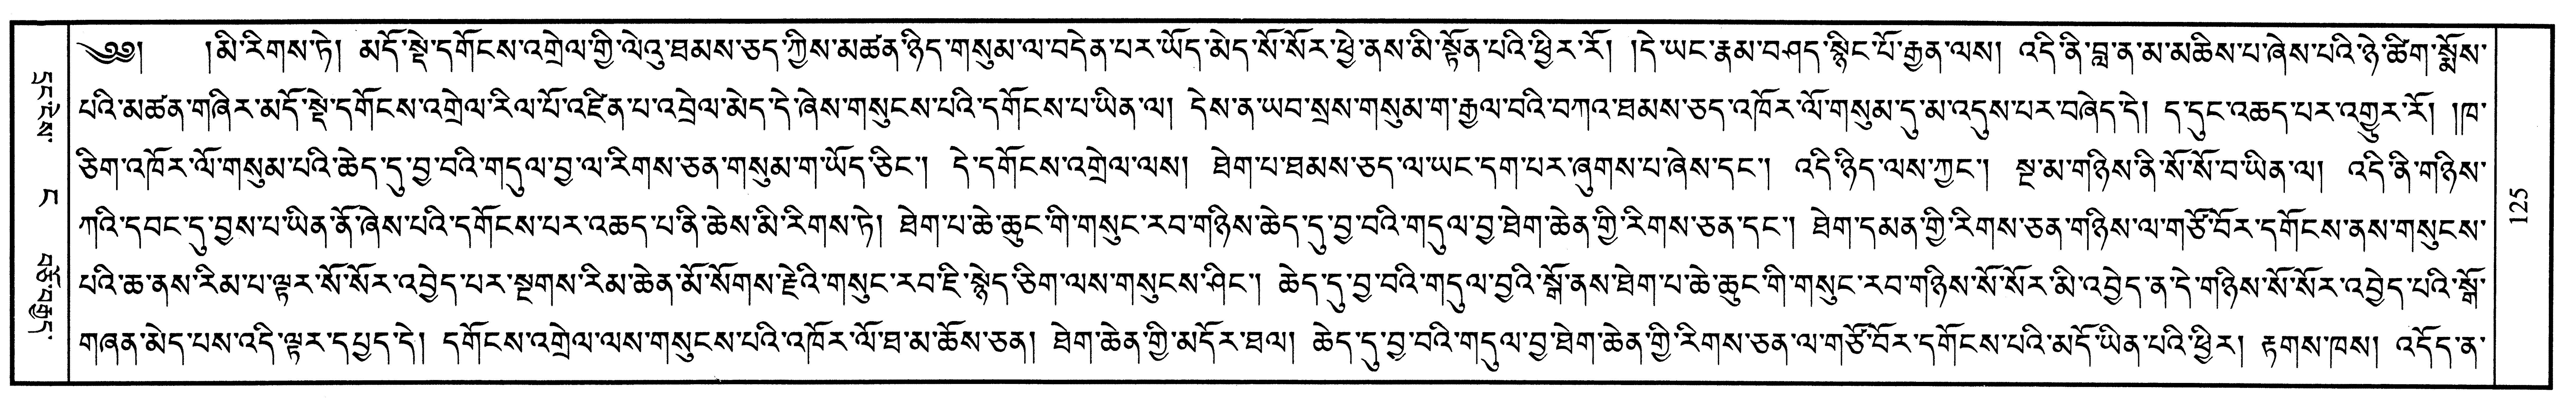༄༅། །མི་རིགས་ཏེ། མདོ་སྡེ་དགོངས་འགྲེལ་གྱི་ལེའུ་ཐམས་ཅད་ཀྱིས་མཚན་ཉིད་གསུམ་ལ་བདེན་པར་ཡོད་མེད་སོ་སོར་ཕྱེ་ནས་མི་སྟོན་པའི་ཕྱིར་རོ། །དེ་ཡང་རྣམ་བཤད་སྙིང་པོ་རྒྱན་ལས། འདི་ནི་བླ་ན་མ་མཆིས་པ་ཞེས་པའི་ཉེ་ཚིག་སྨོས་
པའི་མཚན་གཞིར་མདོ་སྡེ་དགོངས་འགྲེལ་རིལ་པོ་འཛིན་པ་འབྲེལ་མེད་དེ་ཞེས་གསུངས་པའི་དགོངས་པ་ཡིན་ལ། དེས་ན་ཡབ་སྲས་གསུམ་ག་རྒྱལ་བའི་བཀའ་ཐམས་ཅད་འཁོར་ལོ་གསུམ་དུ་མ་འདུས་པར་བཞེད་དེ། ད་དུང་འཆད་པར་འགྱུར་རོ། །ཁ་
ཅིག་འཁོར་ལོ་གསུམ་པའི་ཆེད་དུ་བྱ་བའི་གདུལ་བྱ་ལ་རིགས་ཅན་གསུམ་ག་ཡོད་ཅིང་། དེ་དགོངས་འགྲེལ་ལས། ཐེག་པ་ཐམས་ཅད་ལ་ཡང་དག་པར་ཞུགས་པ་ཞེས་དང་། འདི་ཉིད་ལས་ཀྱང་། སྔ་མ་གཉིས་ནི་སོ་སོ་བ་ཡིན་ལ། འདི་ནི་གཉིས་
ཀའི་དབང་དུ་བྱས་པ་ཡིན་ནོ་ཞེས་པའི་དགོངས་པར་འཆད་པ་ནི་ཆེས་མི་རིགས་ཏེ། ཐེག་པ་ཆེ་ཆུང་གི་གསུང་རབ་གཉིས་ཆེད་དུ་བྱ་བའི་གདུལ་བྱ་ཐེག་ཆེན་གྱི་རིགས་ཅན་དང་། ཐེག་དམན་གྱི་རིགས་ཅན་གཉིས་ལ་གཙོ་བོར་དགོངས་ནས་གསུངས་
པའི་ཆ་ནས་རིམ་པ་ལྟར་སོ་སོར་འབྱེད་པར་སྔགས་རིམ་ཆེན་མོ་སོགས་རྗེའི་གསུང་རབ་ཇི་སྙེད་ཅིག་ལས་གསུངས་ཤིང་། ཆེད་དུ་བྱ་བའི་གདུལ་བྱའི་སྒོ་ནས་ཐེག་པ་ཆེ་ཆུང་གི་གསུང་རབ་གཉིས་སོ་སོར་མི་འབྱེད་ན་དེ་གཉིས་སོ་སོར་འབྱེད་པའི་སྒོ་
གཞན་མེད་པས་འདི་ལྟར་དཔྱད་དེ། དགོངས་འགྲེལ་ལས་གསུངས་པའི་འཁོར་ལོ་ཐ་མ་ཆོས་ཅན། ཐེག་ཆེན་གྱི་མདོར་ཐལ། ཆེད་དུ་བྱ་བའི་གདུལ་བྱ་ཐེག་ཆེན་གྱི་རིགས་ཅན་ལ་གཙོ་བོར་དགོངས་པའི་མདོ་ཡིན་པའི་ཕྱིར། རྟགས་ཁས། འདོད་ན་